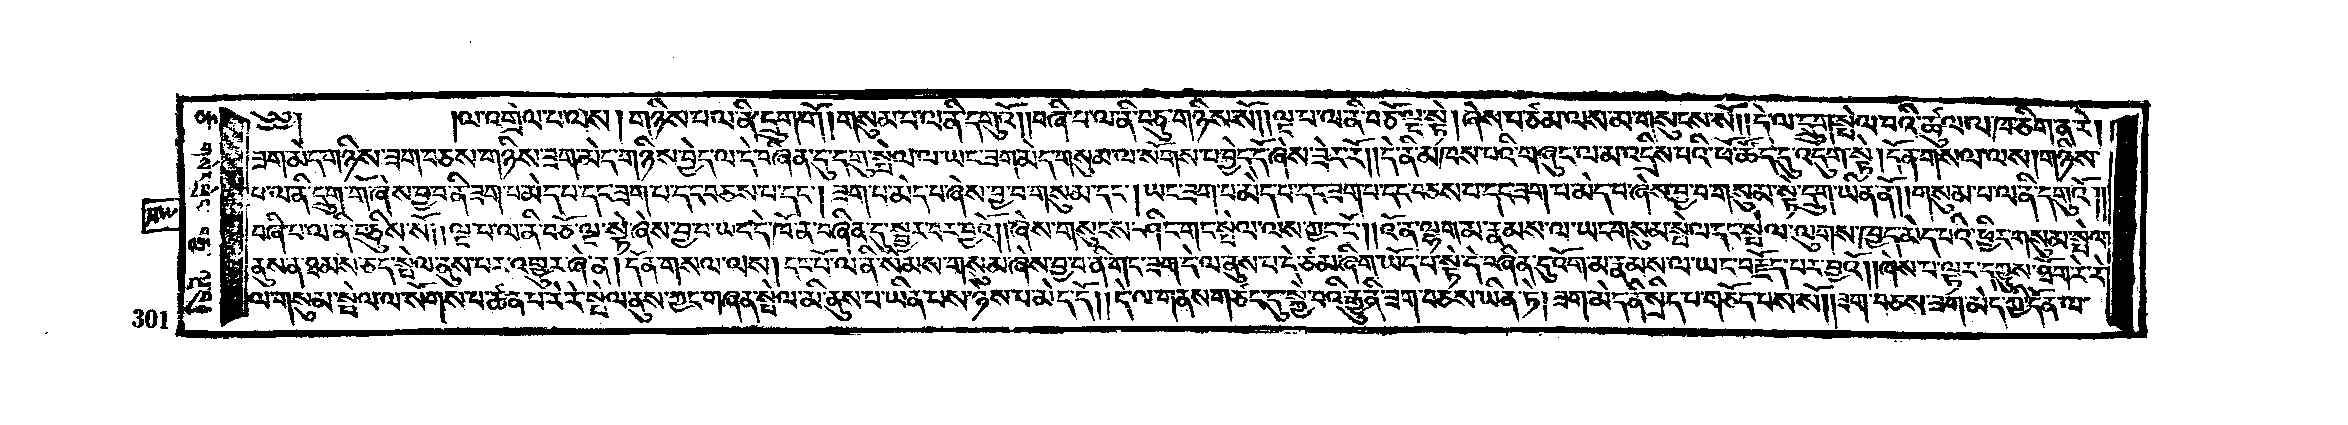༄༅། །ལ་འགྲེལ་པ་ལས། གཉིས་པ་ལ་ནི་དྲུག་གོ །གསུམ་པ་ལ་ནི་དགུའོ། །བཞི་པ་ལ་ནི་བཅུ་གཉིས་སོ། །ལྔ་པ་ལ་ནི་བཅོ་ལྔ་སྟེ། ཞེས་པ་ཙམ་ལས་མ་གསུངས་སོ། །དེ་ལ་དྲུག་སྤེལ་བའི་ཚུལ་ལ། ཁ་ཅིག་ན་རེ།
ཟག་མེད་གཉིས་ཟག་བཅས་གཉིས་ཟག་མེད་གཉིས་བྱེད་ལ་དེ་བཞིན་དུ་དགུ་སྤེལ་ལ་ཡང་ཟག་མེད་གསུམ་ལ་སོགས་པ་བྱེད་དོ་ཞེས་ཟེར་རོ། །དེ་ནི་མཁས་པའི་གཞུང་ལ་མ་འདྲིས་པའི་ཕོ་ཚོད་དུ་འདུག་སྟེ། དོན་གསལ་ལས། གཉིས་
པ་ལ་ནི་དྲུག་གོ་ཞེས་བྱ་བ་ནི་ཟག་པ་མེད་པ་དང་ཟག་པ་དང་བཅས་པ་དང་། ཟག་པ་མེད་པ་ཞེས་བྱ་བ་གསུམ་དང་། ཡང་ཟག་པ་མེད་པ་དང་ཟག་པ་དང་བཅས་པ་དང་ཟག་པ་མེད་པ་ཞེས་བྱ་བ་གསུམ་སྟེ་དྲུག་ཡིན་ནོ། །གསུམ་པ་ལ་ནི་དགུའོ། །
བཞི་པ་ལ་ནི་བཅུ་གཉིས་སོ། །ལྔ་པ་ལ་ནི་བཅོ་ལྔ་སྟེ་ཞེས་བྱ་བ་ཡང་དེ་ཁོ་ན་བཞིན་དུ་སྦྱར་བར་བྱའོ། །ཞེས་གསུངས་ཤིང་གང་སྤེལ་ལས་ཀྱང་ངོ། །འོ་ན་ལྷག་མ་རྣམས་ལ་ཡང་གསུམ་སྤེལ་དང་སྤེལ་ལུགས་ཁྱད་མེད་པའི་ཕྱིར་གསུམ་སྤེལ་
ནུས་ན་ཐམས་ཅད་སྤེལ་ནུས་པར་འགྱུར་ཞེ་ན། དོན་གསལ་ལས། དང་པོ་ལ་ནི་སེམས་གསུམ་ཞེས་བྱ་བ་ནི་གང་ཟག་དེ་ལ་ནུས་པ་དེ་ཙམ་ཞིག་ཡོད་པ་སྟེ་དེ་བཞིན་དུ་འོག་མ་རྣམས་ལ་ཡང་བརྗོད་པར་བྱའོ། །ཞེས་པ་ལྟར་དཀྱུས་ཐོག་རེ་རེ་
ལ་གསུམ་སྤེལ་ལ་སོགས་པ་ཚན་པ་རེ་རེ་སྤེལ་ནུས་ཀྱང་གཞན་སྤེལ་མི་ནུས་པ་ཡིན་པས་ཉེས་པ་མེད་དོ། །དེ་ལ་གནས་གཙང་དུ་སྐྱེ་བའི་རྒྱུ་ནི་ཟག་བཅས་ཡིན་ཏེ། ཟག་མེད་ནི་སྲིད་པ་གཅོད་པས་སོ། །ཟག་བཅས་ཟག་མེད་ཀྱི་དོན་ལ་